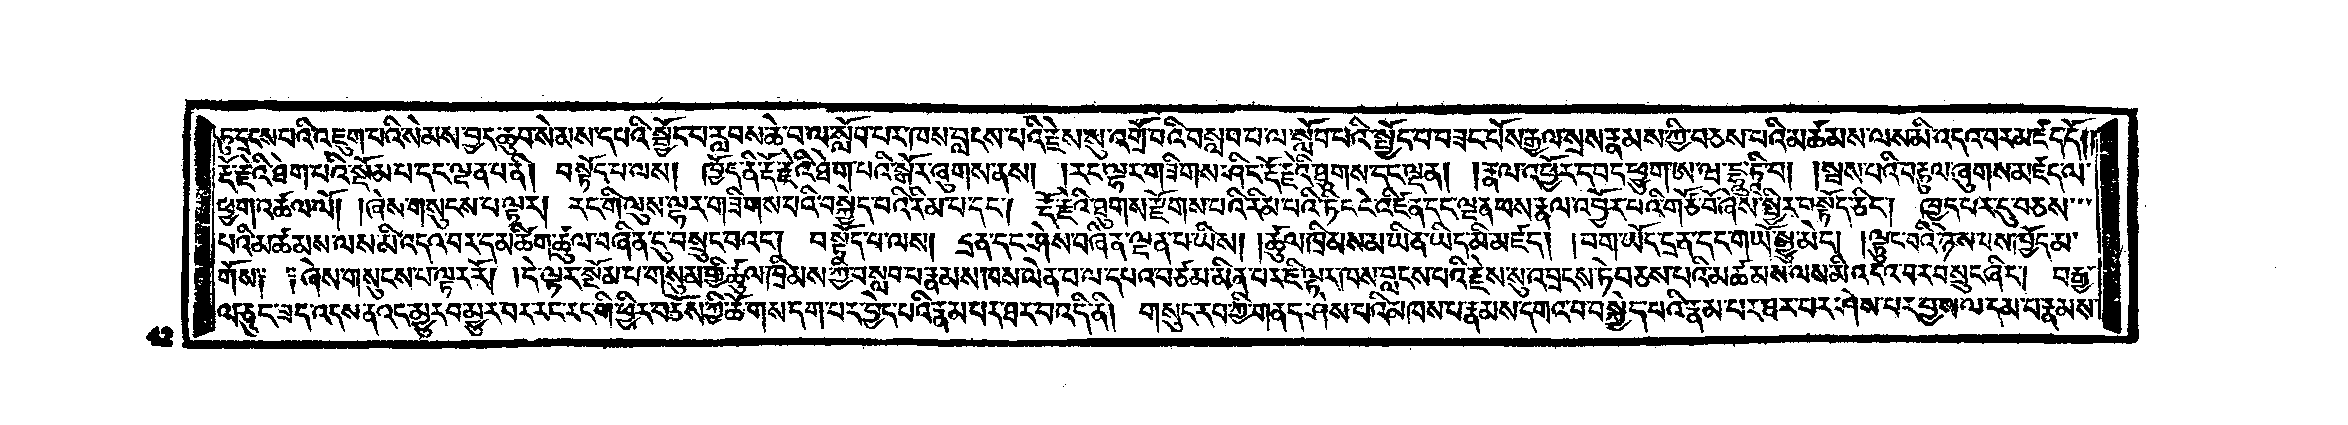ཏུ་དྲངས་པའི་འཇུག་པའི་སེམས་བྱང་ཆུབ་སེམས་དཔའི་སྤྱོད་པ་རླབས་ཆེ་བ་ལ་སློབ་པར་ཁས་བླངས་པའི་རྗེས་སུ་འགྲོ་བའི་བསླབ་པ་ལ་སློབ་པའི་སྤྱོད་པ་བཟང་པོས་རྒྱལ་སྲས་རྣམས་ཀྱི་བཅས་པའི་མཚམས་ལས་མི་འདའ་བར་མཛད་དོ། །
རྡོ་རྗེའི་ཐེག་པའི་སྡོམ་པ་དང་ལྡན་པ་ནི། བསྟོད་པ་ལས། ཁྱོད་ནི་རྡོ་རྗེའི་ཐེག་པའི་སྒོར་ཞུགས་ནས། །རང་ལྷར་གཟིགས་ཤིང་རྡོ་རྗེའི་ཐུགས་དང་ལྡན། །རྣལ་འབྱོར་དབང་ཕྱུག་ཨ་ཝ་དྷཱུ་ཏཱི་པ། །སྦས་པའི་བརྟུལ་ཞུགས་མཛད་ལ་
ཕྱག་འཚལ་ལོ། །ཞེས་གསུངས་པ་ལྟར། རང་གི་ལུས་ལྷར་གཟིགས་པའི་བསྐྱེད་པའི་རིམ་པ་དང་། རྡོ་རྗེའི་ཐུགས་རྫོགས་པའི་རིམ་པའི་ཏིང་ངེ་འཛིན་དང་ལྡན་པས་རྣལ་འབྱོར་པའི་གཙོ་བོ་ཞེས་སྤྱིར་བསྟོད་ཅིང་། ཁྱད་པར་དུ་བཅས་
པའི་མཚམས་ལས་མི་འདའ་བར་དམ་ཚིག་ཚུལ་བཞིན་དུ་བསྲུང་བའང་། བསྟོད་པ་ལས། དྲན་དང་ཤེས་བཞིན་ལྡན་པ་ཡིས། །ཚུལ་ཁྲིམས་མ་ཡིན་ཡིད་མི་མཛད། །བག་ཡོད་དྲན་དང་གཡོ་སྒྱུ་མེད། །ལྟུང་བའི་ཉེས་པས་ཁྱོད་མ་
གོས༑ ༑ཞེས་གསུངས་པ་ལྟར་རོ། །དེ་ལྟར་སྡོམ་པ་གསུམ་གྱི་ཚུལ་ཁྲིམས་ཀྱི་བསླབ་པ་རྣམས་ཁས་ལེན་པ་ལ་དཔའ་བ་ཙམ་མིན་པར་ཇི་ལྟར་ཁས་བླངས་པའི་རྗེས་སུ་འབྲངས་ཏེ་བཅས་པའི་མཚམས་ལས་མི་འདའ་བར་བསྲུང་ཞིང་། བརྒྱ་
ལ་ཅུང་ཟད་འདས་ནའང་མྱུར་བ་མྱུར་བར་རང་རང་གི་ཕྱིར་བཅོས་ཀྱི་ཆོགས་དག་པར་བྱེད་པའི་རྣམ་པར་ཐར་པ་འདི་ནི། གསུང་རབ་ཀྱི་གནད་ཤེས་པའི་མཁས་པ་རྣམས་དགའ་བ་བསྐྱེད་པའི་རྣམ་པར་ཐར་པར་ཤེས་པར་བྱས་ལ་དམ་པ་རྣམས་